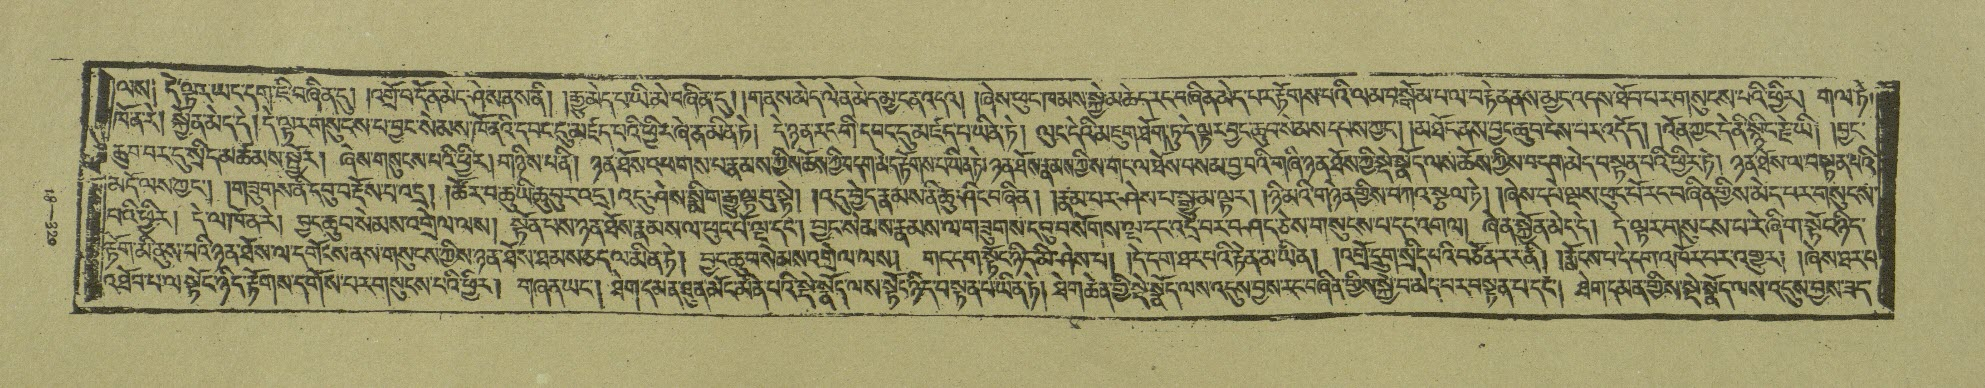ལས། དེ་ལྟར་ཡང་དག་ཇི་བཞིན་དུ། །འགྲོ་བ་དོན་མེད་ཤེས་ནས་ནི། །རྒྱུ་མེད་པ་ཡི་མེ་བཞིན་དུ། །གནས་མེད་ལེན་མེད་མྱ་ངན་འདའ། །ཞེས་ཕུང་ཁམས་སྐྱེ་མཆེད་རང་བཞིན་མེད་པར་རྟོགས་པའི་ལམ་བསྒོམ་པ་ལ་བརྟེན་ནས་མྱང་འདས་ཐོབ་པར་གསུངས་པའི་ཕྱིར། གལ་ཏེ་
ཁོ་ན་རེ། སྐྱོན་མེད་དེ། དེ་ལྟར་གསུངས་པ་བྱང་སེམས་ཁོ་ནའི་དབང་དུ་མཛད་པའི་ཕྱིར་ཞེ་ན་མིན་ཏེ། དེ་ཉན་རང་གི་དབང་དུ་མཛད་པ་ཡིན་ཏེ། ལུང་དེའི་མཇུག་ཐོག་ཏུ་དེ་ལྟར་བྱང་ཆུབ་སེམས་དཔས་ཀྱང་། །མཐོང་ནས་བྱང་ཆུབ་ངེས་པར་འདོད། །འོན་ཀྱང་དེ་ནི་སྙིང་རྗེ་ཡི། །བྱང་
ཆུབ་བར་དུ་སྲིད་མཚམས་སྦྱོར། ཞེས་གསུངས་པའི་ཕྱིར། གཉིས་པ་ནི། ཉན་ཐོས་འཕགས་པ་རྣམས་ཀྱིས་ཆོས་ཀྱི་བདག་མེད་རྟོགས་པ་ཡིན་ཏེ། ཉན་ཐོས་རྣམས་ཀྱིས་གང་ལ་ཐོས་བསམ་བྱ་བའི་གཞི་ཉན་ཐོས་ཀྱི་སྡེ་སྣོད་ལས་ཆོས་ཀྱིས་བདག་མེད་བསྟན་པའི་ཕྱིར་ཏེ། ཉན་ཐོས་ལ་བསྟན་པའི་
མདོ་ལས་ཀྱང་། །གཟུགས་ནི་དབུ་བ་རྡོས་པ་འདྲ། །ཚོར་བ་ཆུ་ཡི་ཆུ་བུར་འདྲ། འདུ་ཤེས་སྨིག་རྒྱུ་ལྟ་བུ་སྟེ། །འདུ་བྱེད་རྣམས་ནི་ཆུ་ཤིང་བཞིན། །རྣམ་པར་ཤེས་པ་སྒྱུ་མ་ལྟར། །ཉི་མའི་གཉེན་གྱིས་བཀའ་སྩལ་ཏེ། །ཞེས་དཔེ་ལྔས་ཕུང་པོ་རང་བཞིན་གྱིས་མེད་པར་གསུངས་
པའི་ཕྱིར། དེ་ལ་ཁོ་ན་རེ། བྱང་ཆུབ་སེམས་འགྲེལ་ལས། སྟོན་པས་ཉན་ཐོས་རྣམས་ལ་ཕུང་པོ་ལྔ་དང་། བྱང་སེམས་རྣམས་ལ་གཟུགས་དབུ་བ་སོགས་ལྔ་དང་འདྲ་བར་བཤད་ཅེས་གསུངས་པ་དང་འགལ། ཞེ་ན་སྐྱོན་མེད་དེ། དེ་ལྟར་གསུངས་པ་རེ་ཞིག་སྟོང་ཉིད་
རྟོག་མི་ནུས་པའི་ཉན་ཐོས་ལ་དགོངས་ནས་གསུངས་ཀྱིས་ཉན་ཐོས་ཐམས་ཅད་ལ་མིན་ཏེ། བྱང་ཆུབ་སེམས་འགྲེལ་ལས། གང་དག་སྟོང་ཉིད་མི་ཤེས་པ། །དེ་དག་ཐར་པའི་རྟེན་མ་ཡིན། །འགྲོ་དྲུག་སྲིད་པའི་བཙོན་རར་ནི། །རྨོངས་པ་དེ་དག་འཁོར་བར་འགྱུར། །ཞེས་ཐར་པ་
འཐོབ་པ་ལ་སྟོང་ཉིད་རྟོགས་དགོས་པར་གསུངས་པའི་ཕྱིར། གཞན་ཡང་། ཐེག་དམན་ཐུན་མོང་མིན་པའི་སྡེ་སྣོད་ལས་སྟོང་ཉིད་བསྟན་པ་ཡིན་ཏེ། ཐེག་ཆེན་གྱི་སྡེ་སྣོད་ལས་འདུས་བྱས་རང་བཞིན་གྱིས་སྐྱེ་བ་མེད་པར་བསྟན་པ་དང་། ཐེག་དམན་གྱིས་སྡེ་སྣོད་ལས་འདུས་བྱས་ཟད་